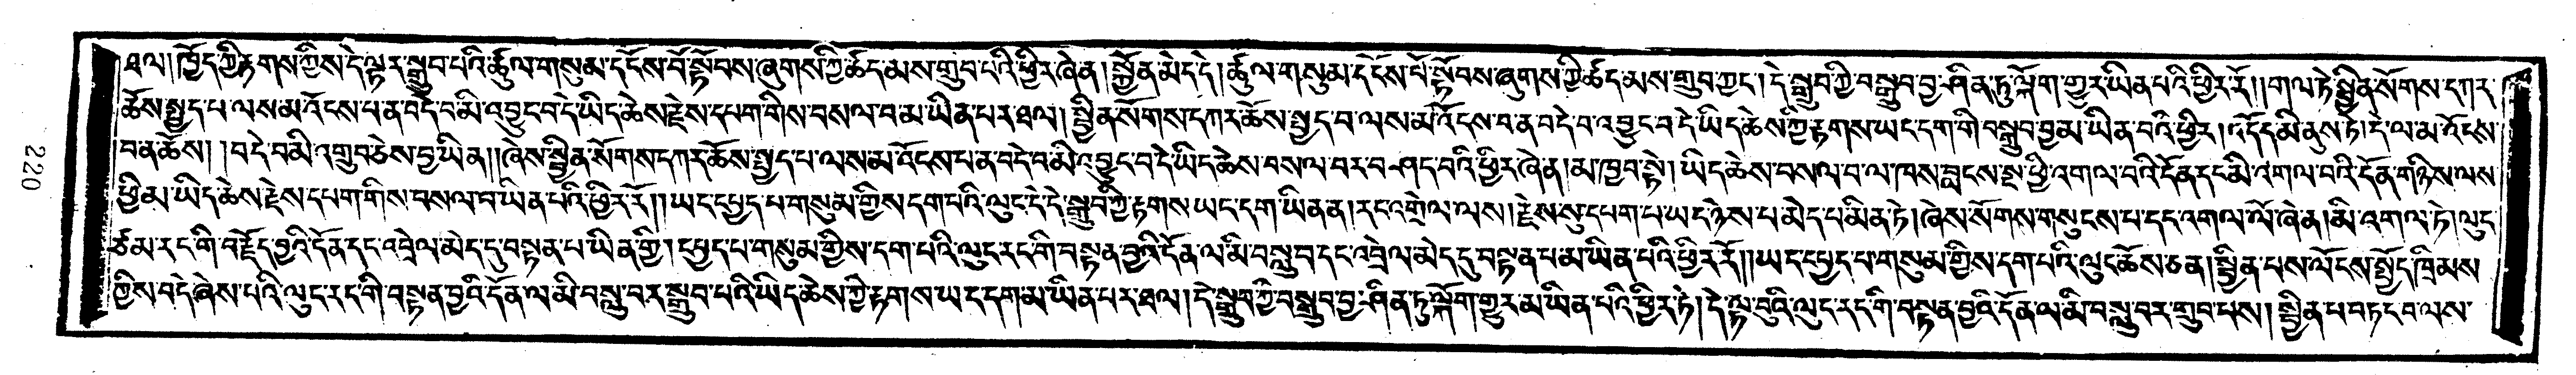ཐལ། ཁྱོད་ཀྱི་རྟགས་ཀྱིས་དེ་ལྟར་སྒྲུབ་པའི་ཚུལ་གསུམ་དངོས་པོ་སྟོབས་ཞུགས་ཀྱི་ཚད་མས་གྲུབ་པའི་ཕྱིར་ཞེ་ན། སྐྱོན་མེད་དེ། ཚུལ་གསུམ་དངོས་པོ་སྟོབས་ཞུགས་ཀྱི་ཚད་མས་གྲུབ་ཀྱང་། དེ་སྒྲུབ་ཀྱི་བསྒྲུབ་བྱ་ཤིན་ཏུ་ལྐོག་གྱུར་ཡིན་པའི་ཕྱིར་རོ། །གལ་ཏེ་སྦྱིན་སོགས་དཀར་
ཆོས་སྤྱད་པ་ལས་མ་འོངས་པ་ན་བདེ་བ་མི་འབྱུང་བ་དེ་ཡིད་ཆེས་རྗེས་དཔག་གིས་བསལ་བ་མ་ཡིན་པར་ཐལ། སྦྱིན་སོགས་དཀར་ཆོས་སྤྱད་པ་ལས་མ་འོངས་པ་ན་བདེ་བ་འབྱུང་བ་དེ་ཡིད་ཆེས་ཀྱི་རྟགས་ཡང་དག་གི་བསྒྲུབ་བྱ་མ་ཡིན་པའི་ཕྱིར། འདོད་མི་ནུས་ཏེ། དེ་ལ་མ་འོངས་
པ་ན་ཆོས། །བདེ་བ་མི་འགྲུབ་ཅེས་བྱ་ཡིན། །ཞེས་སྦྱིན་སོགས་དཀར་ཆོས་སྤྱད་པ་ལས་མ་འོངས་པ་ན་བདེ་བ་མི་འབྱུང་བ་དེ་ཡིད་ཆེས་བསལ་བར་བཤད་པའི་ཕྱིར་ཞེ་ན། མ་ཁྱབ་སྟེ། ཡིད་ཆེས་བསལ་བ་ལ་ཁས་བླངས་སྔ་ཕྱི་འགལ་བའི་དོན་དང་མི་འགལ་བའི་དོན་གཉིས་ལས་
ཕྱི་མ་ཡིད་ཆེས་རྗེས་དཔག་གིས་བསལ་བ་ཡིན་པའི་ཕྱིར་རོ། །ཡང་དཔྱད་པ་གསུམ་གྱིས་དག་པའི་ལུང་དེ་དེ་སྒྲུབ་ཀྱི་རྟགས་ཡང་དག་ཡིན་ན། རང་འགྲེལ་ལས། རྗེས་སུ་དཔག་པ་ཡང་ཉེས་པ་མེད་པ་མིན་ཏེ། ཞེས་སོགས་གསུངས་པ་དང་འགལ་ལོ་ཞེ་ན། མི་འགལ་ཏེ། ལུང་
ཙམ་རང་གི་བརྗོད་བྱའི་དོན་དང་འབྲེལ་མེད་དུ་བསྟན་པ་ཡིན་གྱི། དཔྱད་པ་གསུམ་གྱིས་དག་པའི་ལུང་རང་གི་བསྟན་བྱའི་དོན་ལ་མི་བསླུ་བ་དང་འབྲེལ་མེད་དུ་བསྟན་པ་མ་ཡིན་པའི་ཕྱིར་རོ། །ཡང་དཔྱད་པ་གསུམ་གྱིས་དག་པའི་ལུང་ཆོས་ཅན། སྦྱིན་པས་ལོངས་སྤྱོད་ཁྲིམས་
ཀྱིས་བདེ་ཞེས་པའི་ལུང་རང་གི་བསྟན་བྱའི་དོན་ལ་མི་བསླུ་བར་སྒྲུབ་པའི་ཡིད་ཆེས་ཀྱི་རྟགས་ཡང་དག་མ་ཡིན་པར་ཐལ། དེ་སྒྲུབ་ཀྱི་བསྒྲུབ་བྱ་ཤིན་ཏུ་ལྐོག་གྱུར་མ་ཡིན་པའི་ཕྱིར་ཏེ། དེ་ལྟ་བུའི་ལུང་རང་གི་བསྟན་བྱའི་དོན་ལ་མི་བསླུ་བར་གྲུབ་པས། སྦྱིན་པ་བཏང་བ་ལས་